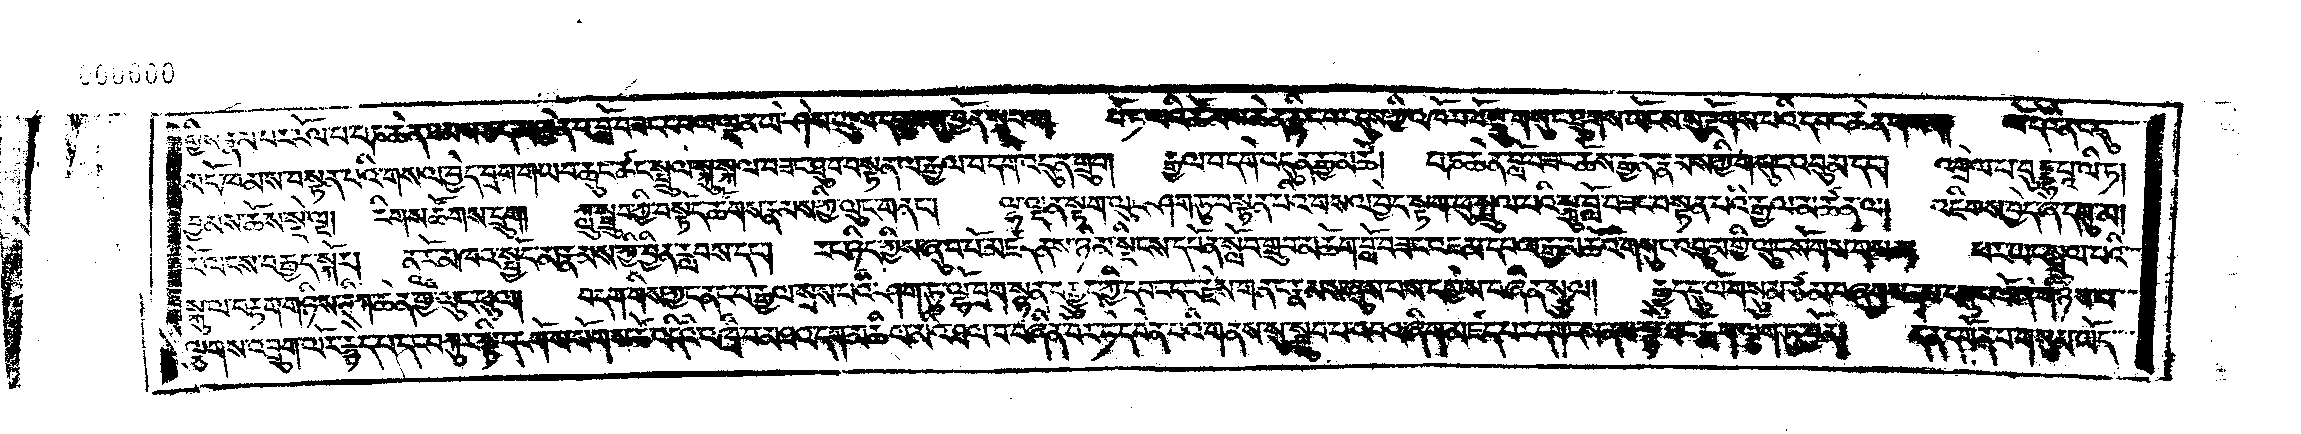གྱིས་རྣམ་པར་རོལ་བ་པཎ་ཆེན་ཐམས་ཅད་མཁྱེན་པ་བློ་བཟང་དཔལ་ལྡན་ཡེ་ཤེས་ཡུལ་དབུས་སུ་བྱོན་སྐབས། པོ་ཏ་ལའི་ཚོམས་ཆེན་རྙིང་བར་དུས་ཀྱི་འཁོར་ལོ་སྐུ་གསུང་ཐུགས་ཡོངས་སུ་རྫོགས་པའི་དབང་ཆེན་གསན། ལོ་དེའི་ནང་དུ་
མདོ་ཁམས་བསྟན་པའི་གསལ་བྱེད་བྲག་གཡབ་ཆུང་ཚང་སྤྲུལ་སྐུ་སྐལ་བཟང་ཐུབ་བསྟན་ལ་རྒྱལ་བ་དགེ་འདུན་གྲུབ། རྒྱལ་བ་དགེ་འདུན་རྒྱ་མཚོ། པཎ་ཆེན་བློ་བཟང་ཆོས་རྒྱན་རྣམས་ཀྱི་གསུང་འབུམ་དང་། འགྲེལ་པ་བུདྡྷ་པཱ་ལི་ཏ།
བྱམས་ཆོས་སྡེ་ལྔ། རིགས་ཚོགས་དྲུག། ཀླུ་སྒྲུབ་ཀྱི་བསྟོད་ཚོགས་རྣམས་ཀྱི་ལུང་གནང་། ལྷ་ལྡན་སྟག་ལུང་ཤག་ཏུ་བསྟན་པའི་གསལ་བྱེད་སྟག་ཕུ་སྤྲུལ་པའི་སྐུ་བློ་བཟང་བསྟན་པའི་རྒྱལ་མཚན་ལ། འཇིགས་བྱེད་ཞེ་དགུ་མ།
རོ་ལངས་བརྒྱད་སྐོར། ནཱ་རོ་མཁའ་སྦྱོང་མ་རྣམས་ཀྱི་བྱིན་རླབས་དང་། རང་ཉིད་ཀྱིས་ཞུ་བ་པོ་མཛད་ནས་ཉི་མ་སྡིངས་དཔོན་སློབ་གྲུབ་མཆོག་བློ་བཟང་འཇམ་དཔལ་རྒྱ་མཚོའི་གསུང་འབུམ་གྱི་ལུང་སོགས་གསན། ཕར་ཡང་སྤྲུལ་པའི་
སྐུ་ལ་བརྟག་གཉིས་ཊིཀ་ཆེན་གྱི་ལུང་ཕུལ། བདག་གིས་ཀྱང་ནང་པ་རྒྱལ་སྲས་པའི་ཤག་ཏུ་ལྷོ་བྲག་སྙན་བརྒྱུད་ཀྱི་དབང་དང་རྗེས་གནང་རྣམས་ཞུས་པས་དགྱེས་བཞིན་སྩལ། རྒྱུད་དུ་ལོ་གསུམ་ཙམ་བཞུགས་ནས་དགུང་ལོ་ཞེ་གཉིས་པ་
ལྕགས་འབྲུག་ལོར་རྙེད་པ་དང་བཀུར་སྟི་དང་གོ་ས་སོགས་ཚེ་འདིའི་འཁྲི་བ་མཐའ་དག་མཆིལ་མའི་ཐལ་བ་བཞིན་བོར་ཏེ་དབེན་པའི་གནས་སུ་སྒྲུབ་པ་འབའ་ཞིག་མཛད་པར་དགོངས་ནས་སྙེ་ཐང་རྨོག་ལྕོག་ཏུ་བྱོན། དེ་ནས་དགོན་པ་གསུམ་ཡོད་